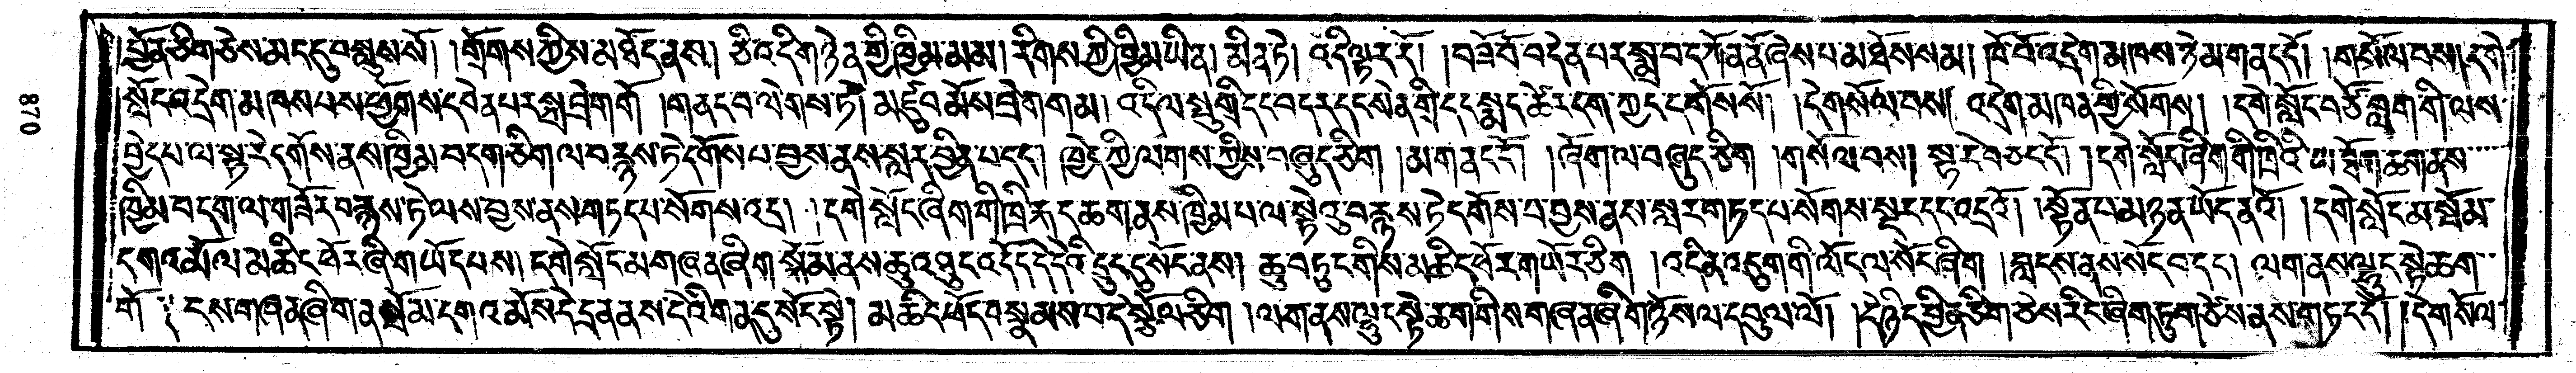བྱོན་ཅིག་ཅེས་མང་དུ་བསླུས་སོ། །གྲོགས་ཀྱིས་མཐོང་ནས། ཅི་འདི་གཉེན་གྱི་ཁྱིམ་མམ། རིགས་ཀྱི་ཁྱིམ་ཡིན། མིན་ཏེ། འདི་ལྟར་རོ། །བཟོ་བོ་བདེན་པར་སྨྲ་བ་དཀོན་ནོ་ཞེས་པ་མ་ཐོས་སམ། ཁོ་བོ་འདྲེག་མཁས་ཉེམ་གནད་དོ། །གསོལ་བས། དགེ་
སློང་འདྲེག་མཁས་པས་ཕྱོགས་དབེན་པར་སྐྲ་བྲེག་གོ །གནང་བ་ལེགས་ཏེ། མཛུབ་མོས་བྲེག་གམ། འདི་ལ་སྤུ་གྲི་དང་བདར་དང་སེན་གྲི་དང་སྨད་ཚེར་དག་ཀྱང་དགོས་སོ། །དེ་གསོལ་བས། འདྲེག་མཁན་གྱི་སོགས། །དགེ་སློང་བཙོ་བླག་གི་ལས་
བྱེད་པ་ལ་སྟ་རེ་དགོས་ནས་ཁྱིམ་བདག་ཅིག་ལ་བརྙས་ཏེ་དགོས་པ་བྱས་ནས་སླར་བྱིན་པ་དང་། ཁྱེད་ཀྱི་ལགས་ཀྱིས་བཞུད་ཅིག །མ་གནང་ངོ། །ཞོག་ལ་བཞུད་ཅིག །གསོལ་བས། སྟ་རེ་བཅང་ངོ། །དགེ་སློང་ཞིག་གི་ཁྲིའི་ཡ་ཐོག་ཆག་ནས་
ཁྱིམ་བདག་ལ་གཟོར་བརྙས་ཏེ་ལས་བྱས་ནས་གཏད་པ་སོགས་འདྲ། །དགེ་སློང་ཞིག་གི་ཁྲི་རྐད་ཆག་ནས་ཁྱིམ་པ་ལ་སྟེའུ་བརྙས་ཏེ་དགོས་པ་བྱས་ནས་སླར་གཏད་པ་སོགས་སྡར་དང་འདྲའོ། །སྟོན་པ་མཉན་ཡོད་ནའོ། །དགེ་སློང་མ་སྦོམ་
དགའ་མོལ་མཆིང་ཕོར་ཞི་གཡོད་པས། དགེ་སློང་མ་གཞན་ཞིག་སྐོམ་ནས་ཆུ་འཐུང་འདོད་དེ་དེའི་དྲུང་དུ་སོང་ནས། ཆུ་བཏུང་གིས་མཆིད་ཕོར་གཡོར་ཅིག །འདི་ན་འདུག་གི་ལོང་ལ་སོང་ཞིག །བླངས་ནས་སོད་བ་དང་། ལག་ནས་ལྷུད་སྟེ་ཆག་
གོ༑ ངས་གཞན་ཞིག་ན་སྦོམ་དགའ་མོས་དེ་དྲན་ནས་དེའི་གན་དུ་སོང་སྟེ། མཆིང་ཕོད་བསྣམས་བ་དེ་སྩོལ་ཅིག །ལག་ནས་ལྷུང་སྟེ་ཆག་གིས་གཞན་ཞིག་ཉོས་ལ་དབུལ་ལོ། །དེ་ཉིད་བྱིན་ཅིག་ཅེས་རིང་ཞིག་ཏུ་གཙེས་ནས་གཏང་ངོ། །དེ་གསོལ་